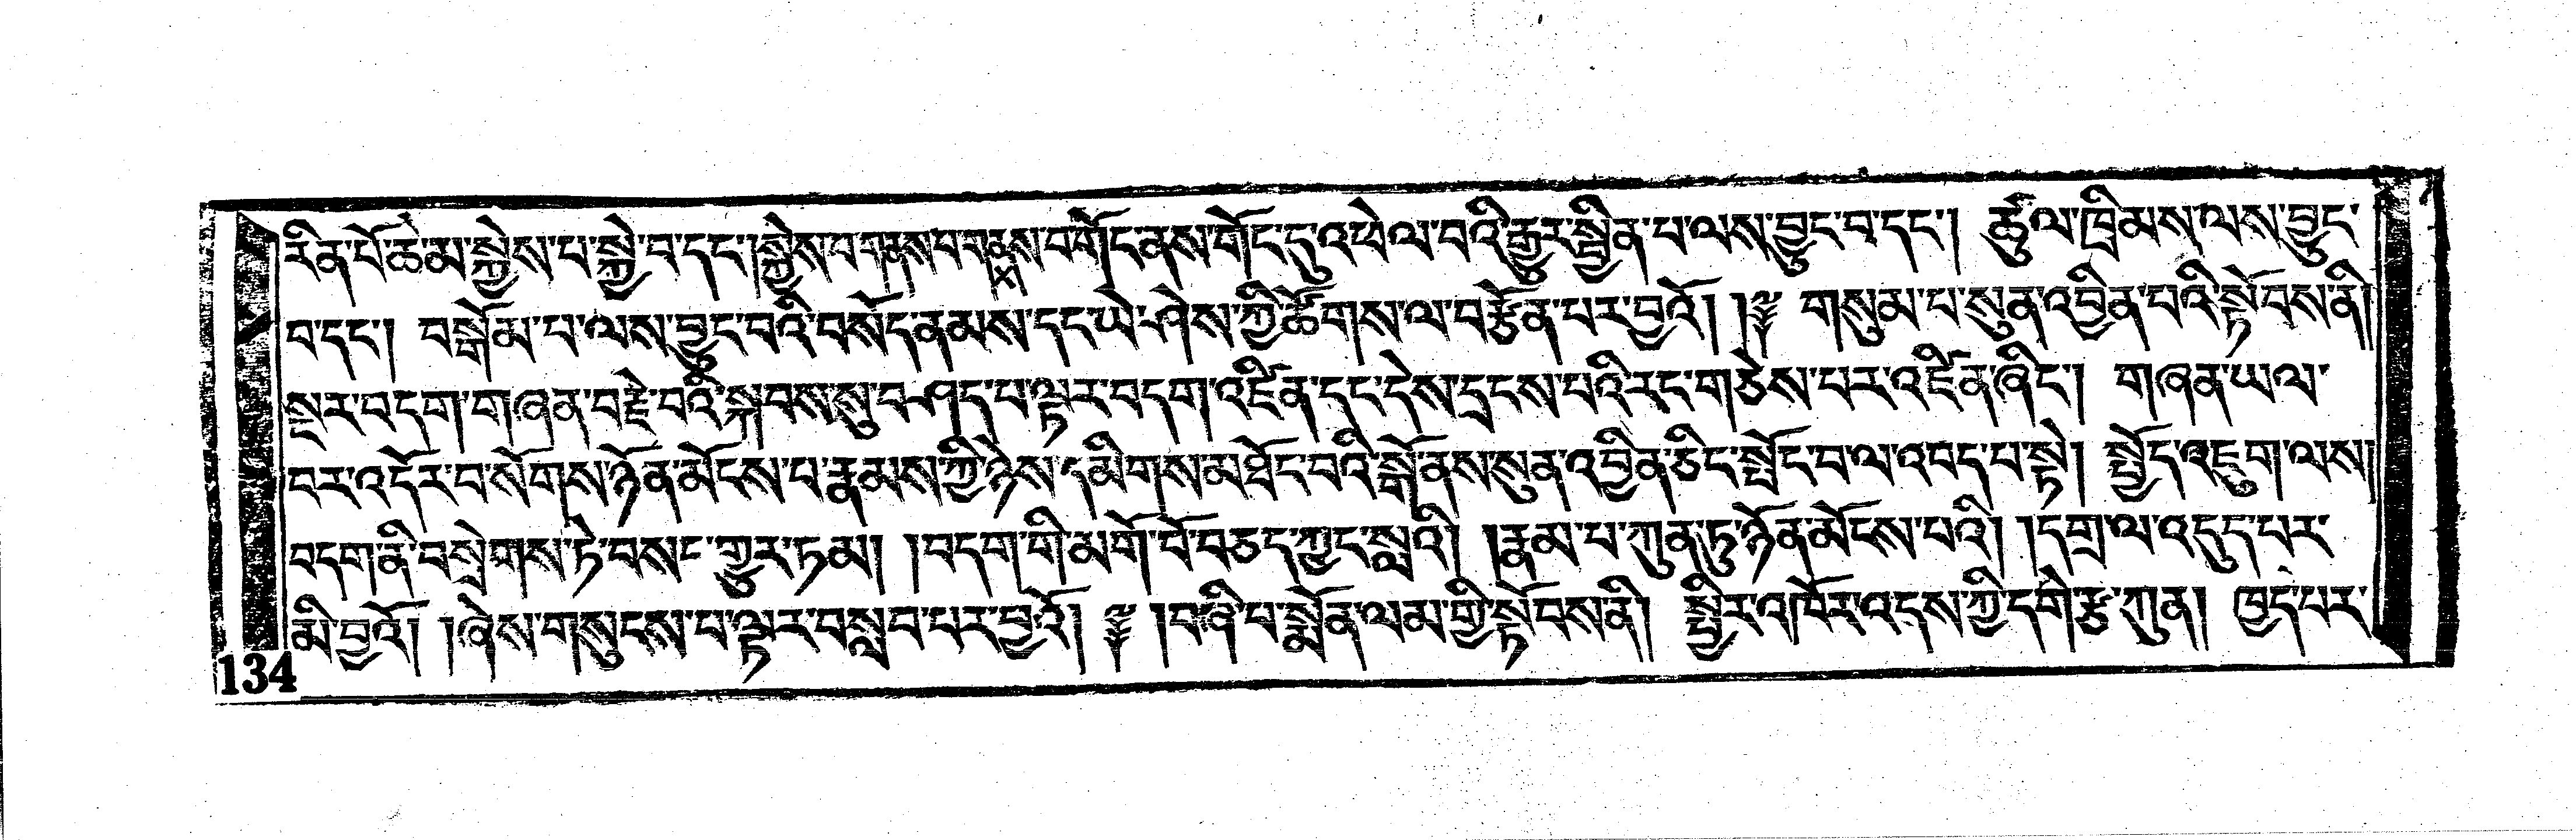རིན་པོ་ཆེ་མ་སྐྱེས་པ་སྐྱེ་བ་དང་། སྐྱེས་བ་གནས་པ་གནས྾་པ་གོང་ནས་གོང་དུ་འཕེལ་བའི་རྒྱུར་སྦྱིན་པ་ལས་བྱུང་བ་དང་། ཚུལ་ཁྲིམས་ལས་བྱུང་
བ་དང་། བསྒོམ་པ་ལས་བྱུང་བའི་བསོད་ནམས་དང་ཡེ་ཤེས་ཀྱི་ཚོགས་ལ་བརྩོན་པར་བྱའོ།། ༈ གསུམ་པ་སུན་འབྱིན་པའི་སྟོབས་ནི།
སྔར་བདག་གཞན་བརྗེ་བའི་སྐབས་སུ་བཤད་པ་ལྟར་བདག་འཛིན་དང་དེས་དྲངས་པའི་རང་གཅེས་པར་འཛིན་ཞིང་། གཞན་ཡལ་
བར་འདོར་བ་སོགས་ཉོན་མོངས་པ་རྣམས་ཀྱི་ཉེས་དམིགས་མཐོང་བའི་སྒོ་ནས་སུན་འབྱིན་ཅིང་སྤོང་བ་ལ་འབད་པ་སྟེ། སྤྱོད་འཇུག་ལས།
བདག་ནི་བསྲེགས་ཏེ་བསང་གྱུར་ཏམ། །བདག་གི་མགོ་བོ་བཅད་ཀྱང་སླའི། །རྣམ་པ་ཀུན་ཏུ་ཉོན་མོངས་པའི། །དགྲ་ལ་འདུད་པར་
མི་བྱའོ། །ཞེས་གསུངས་པ་ལྟར་བསླབ་པར་བྱའོ། ༈ །བཞི་པ་སྨོན་ལམ་གྱི་སྟོབས་ནི། སྤྱིར་འཁོར་འདས་ཀྱི་དགེ་རྩ་ཀུན། ཁྱད་པར་